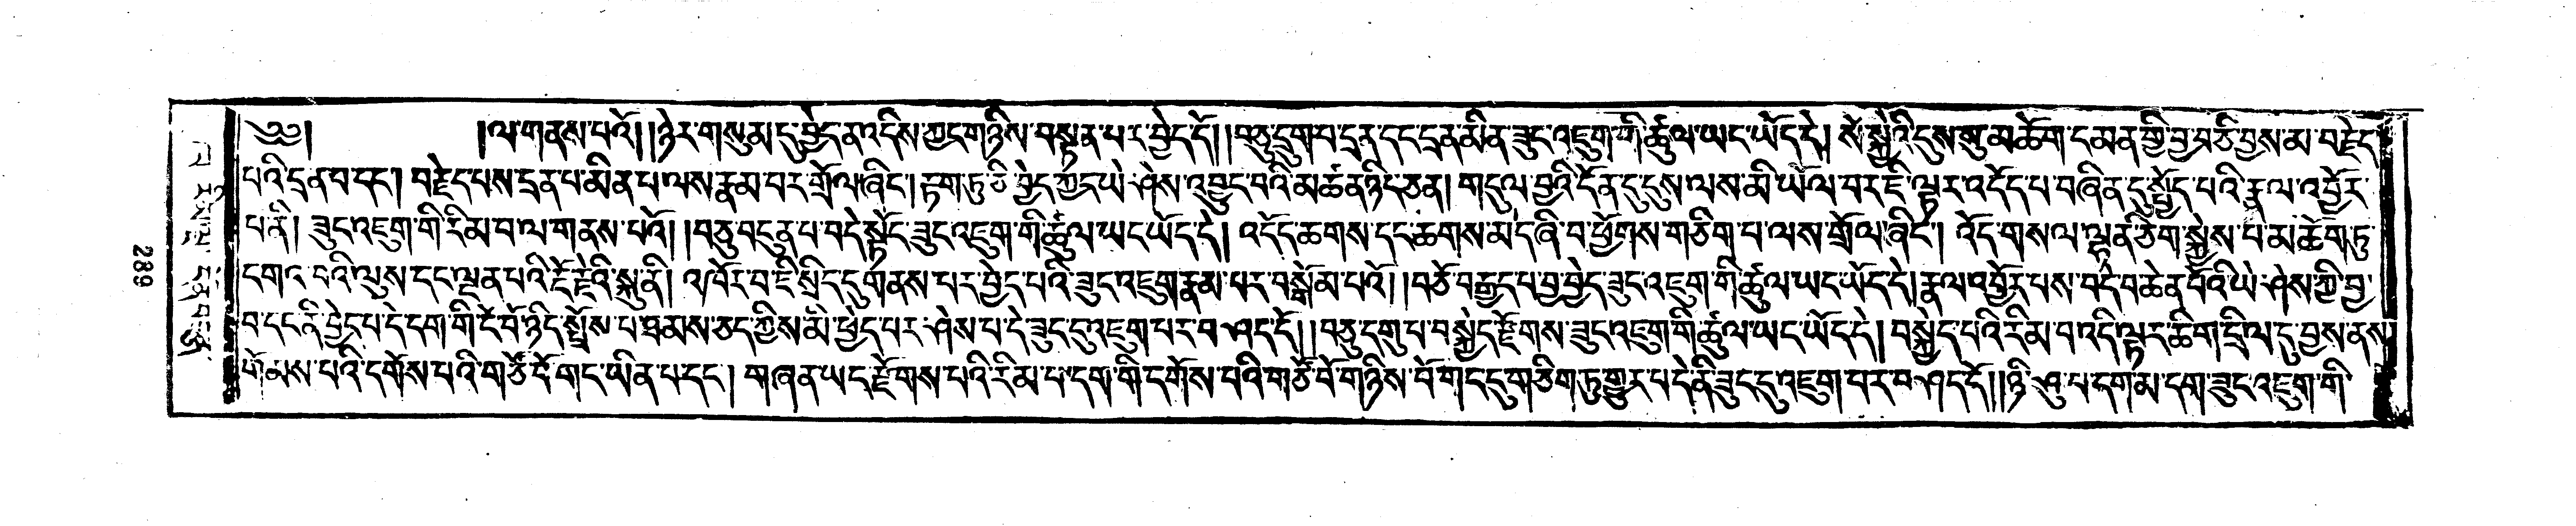༄༅། །ལ་གནས་པའོ། །ཉེར་གསུམ་དུ་བྱེད་ན་འདིས་ཀྱང་གཉིས་བསྟན་པར་བྱེད་དོ། །བཅུ་དྲུག་པ་དྲན་དང་དྲན་མིན་ཟུང་འཇུག་གི་ཚུལ་ཡང་ཡོད་དེ། སོ་སྐྱེའི་དུས་སུ་མཆོག་དམན་གྱི་བྱ་བ་ཅི་བྱས་མ་བརྗེད་
པའི་དྲན་པ་དང་། བརྗེད་པས་དྲན་པ་མིན་པ་ལས་རྣམ་པར་གྲོལ་ཞིང་། རྟག་ཏུ་ཅི་བྱེད་ཀྱང་ཡེ་ཤེས་འབྱུང་བའི་མཚན་ཉིད་ཅན། གདུལ་བྱའི་དོན་དུ་དུས་ལས་མི་ཡོལ་བར་ཇི་ལྟར་འདོད་པ་བཞིན་དུ་སྤྱོད་པའི་རྣལ་འབྱོར་
པ་ནི། ཟུང་འཇུག་གི་རིམ་པ་ལ་གནས་པའོ། །བཅུ་བདུན་པ་བདེ་སྟོང་ཟུང་འཇུག་གི་ཚུལ་ཡང་ཡོད་དེ། འདོད་ཆགས་དང་ཆགས་མེད་ཞི་བ་ཕྱོགས་གཅིག་པ་ལས་གྲོལ་ཞིང་། འོད་གསལ་ལྷན་ཅིག་སྐྱེས་པ་མཆོག་ཏུ་
དགའ་བའི་ལུས་དང་ལྡན་པའི་རྡོ་རྗེའི་སྐུ་ནི། འཁོར་བ་ཇི་སྲིད་དུ་གནས་པར་བྱེད་པའི་ཟུང་འཇུག་རྣམ་པར་བསྒོམ་པའོ། །བཅོ་བརྒྱད་པ་བྱ་བྱེད་ཟུང་འཇུག་གི་ཚུལ་ཡང་ཡོད་དེ། རྣལ་འབྱོར་པས་བདེ་བ་ཆེན་པོའི་ཡེ་ཤེས་ཀྱི་བྱ་
བ་དང་ནི་བྱེད་པ་དེ་དག་གི་ངོ་བོ་ཉིད་སྤྲོས་པ་ཐམས་ཅད་ཀྱིས་མི་ཕྱེད་པར་ཤེས་པ་དེ་ཟུང་དུ་འཇུག་པར་བཤད་དོ། །བཅུ་དགུ་པ་བསྐྱེད་རྫོགས་ཟུང་འཇུག་གི་ཚུལ་ཡང་ཡོད་དེ། བསྐྱེད་པའི་རིམ་པ་འདི་ལྟར་ཆིག་དྲིལ་དུ་བྱས་ནས་
གོམས་པའི་དགོས་པའི་གཙོ་བོ་གང་ཡིན་པ་དང་། གཞན་ཡང་རྫོགས་པའི་རིམ་པ་དག་གི་དགོས་པའི་གཙོ་བོ་གཉིས་པོ་གང་དུ་གཅིག་ཏུ་གྱུར་པ་དེ་ནི་ཟུང་དུ་འཇུག་པར་བཤད་དོ། །ཉི་ཤུ་པ་དག་མ་དག་ཟུང་འཇུག་གི་